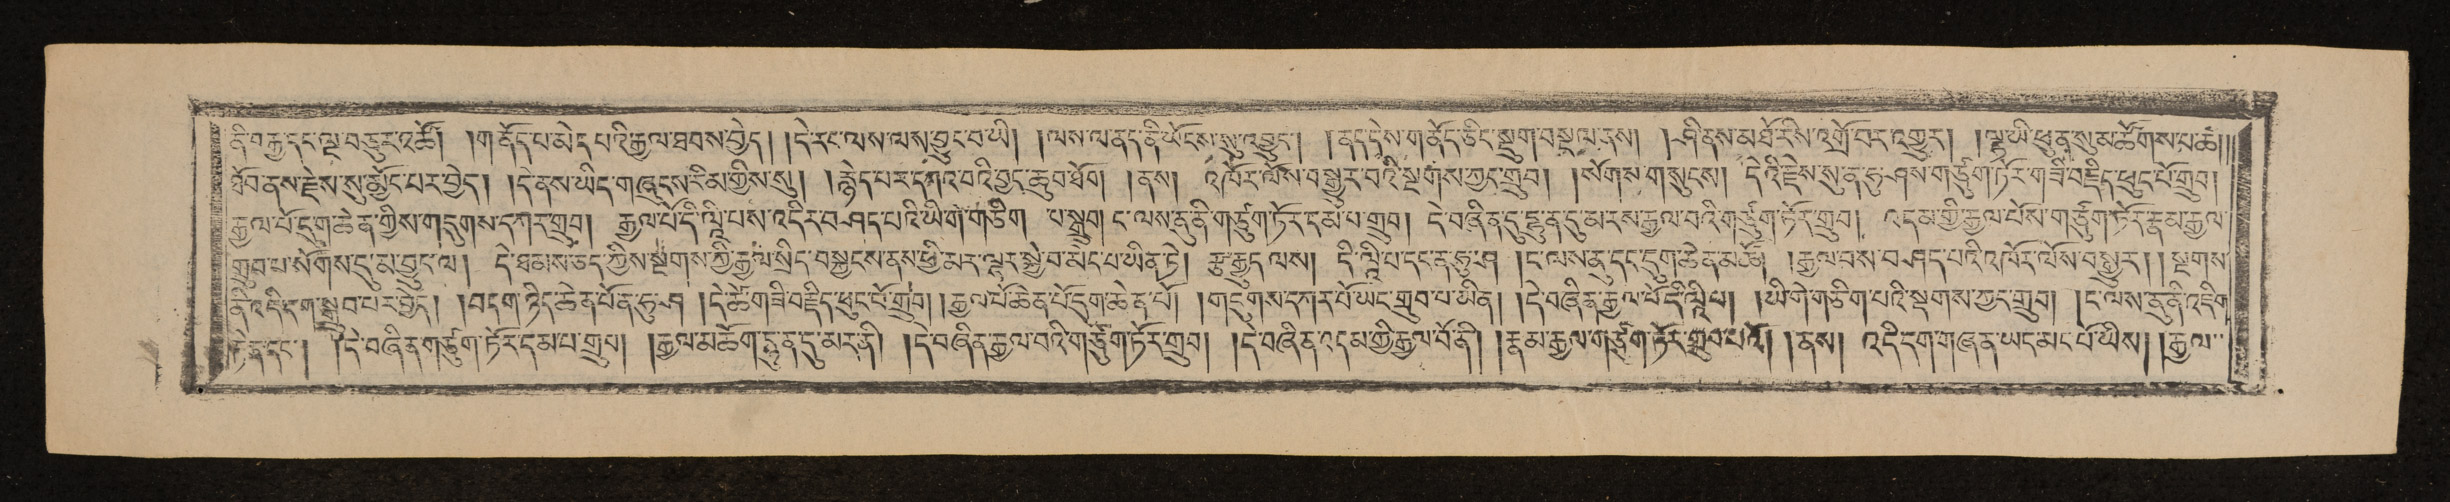ནི་བརྒྱ་དང་ལྔ་བཅུར་འཚོ། །གནོད་པ་མེད་པའི་རྒྱལ་ཐབས་བྱེད། །དེ་རང་ལས་ལས་བྱུང་བ་ཡི། །ལས་ལ་ནད་ནི་ཡོངས་སུ་འབྱུང་། །ནད་ངེས་གནོད་ཅིང་སྡུག་བསྔལ་ནས། །ཤི་ནས་མཐོ་རིས་འགྲོ་བར་འགྱུར། །ལྷ་ཡི་ཕུན་སུམ་ཚོགས་པ་ཆེ།།
ཐོབ་ནས་རྗེས་སུ་མྱོང་བར་བྱེད། །དེ་ནས་ཡིད་གཞུངས་རིམ་གྱིས་སུ། །རྙེད་པར་དཀའ་བའི་བྱང་ཆུབ་ཐོབ། །ནས། འཁོར་ལོས་བསྒྱུར་བའི་སྔགས་ཀྱང་གྲུབ། །སོགས་གསུངས། དེའི་རྗེས་སུ་ན་ཧུ་ཤས་གཙུག་ཏོར་གཟི་བརྗིད་ཕུང་པོ་གྲུབ།
རྒྱལ་པོ་དུག་ཆེན་གྱིས་གདུགས་དཀར་གྲུབ། རྒྱལ་པོ་དི་ལཱི་པས་འདིར་བཤད་པའི་ཡི་གེ་གཅིག་པ་གྲུབ། ང་ལས་ནུ་ནི་གཙུག་ཏོར་དམ་པ་གྲུབ། དེ་བཞིན་དུ་དྷུ་ན་དུམ་རས་རྒྱལ་བའི་གཙུག་ཏོར་གྲུབ། འདམ་གྱི་རྒྱལ་པོས་གཙུག་ཏོར་རྣམ་རྒྱལ་
གྲུབ་པ་སོགས་དུམ་བྱུང་ལ། དེ་ཐམས་ཅད་ཀྱིས་སྔགས་ཀྱི་རྒྱལ་སྲིད་བསྐྱངས་ནས་ཕྱི་མར་ལྷར་སྐྱེ་བ་མང་བ་ཡིན་ཏེ། རྩ་རྒྱུད་ལས། དི་ལཱི་པ་དང་ན་ཧུ་ཤ་།ང་ལས་ནུ་དང་དུག་ཆེན་མཚོ། །རྒྱལ་བས་བཤད་པའི་འཁོར་ལོས་བསྒྱུར། །སྔགས་
ནི་འདི་དག་སྒྲུབ་པར་བྱེད། །བདག་ཉིད་ཆེན་པོ་ན་ཧུ་ཤ་།དེ་ཚེ་གཟི་བརྗིད་ཕུང་པོ་གྲུབ། །རྒྱལ་པོ་ཆེན་པོ་དུག་ཆེན་པོ། །གདུགས་དཀར་པོ་ཡང་གྲུབ་པ་ཡིན། །དེ་བཞིན་རྒྱལ་པོ་དི་ལཱི་བ། །ཡི་གེ་གཅིག་པའི་སྔགས་ཀྱང་གྲུབ། །ང་ལས་ནུ་ནི་འཇིག་
རྟེན་དང་། །དེ་བཞིན་གཙུག་ཏོར་དམ་པ་གྲུབ། །རྒྱལ་མཆོག་དྷུ་ན་དུ་མར་ནི། །དེ་བཞིན་རྒྱལ་བའི་གཙུག་ཏོར་གྲུབ། །དེ་བཞིན་འདམ་གྱི་རྒྱལ་པོ་ནི། །རྣམ་རྒྱལ་གཙུག་ཏོར་གྲུབ་པའོ། །ནས། འདི་དག་གཞན་ཡང་མང་པོ་ཡིས། །རྒྱལ་